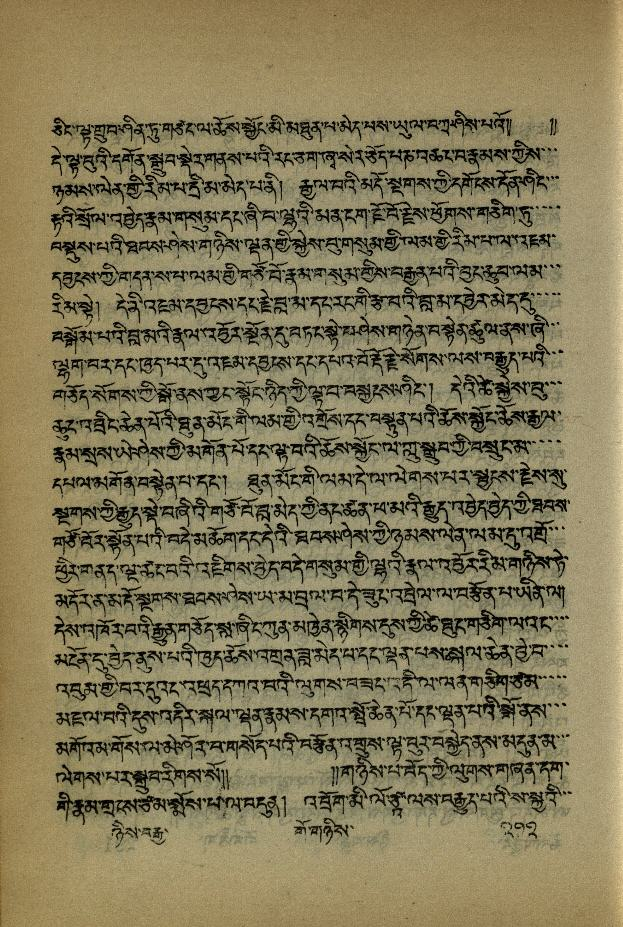ཅིང་ལྟ་གྲུབ་ཤིན་ཏུ་གཙང་ལ་ཆོས་སྐྱོང་མི་མཐུན་པ་མེད་པས་ཡུལ་བཀྲ་ཤིས་པའོ།། །།
དེ་ལྟ་བུའི་དགོན་སྒྲུབ་སྡེར་གནས་པའི་རང་ཅག་ཞྭ་སེར་ཅོད་པཎ་འཆང་བ་རྣམས་ཀྱིས་
ཉམས་ལེན་གྱི་རིམ་པ་དྲི་མ་མེད་པ་ནི། རྒྱལ་བའི་མདོ་སྔགས་ཀྱི་དགོངས་དོན་ཤིང་
རྟའི་སྲོལ་འབྱེད་རྣམ་གསུམ་དང་ཞི་བ་ལྷའི་མན་ངག་ཇོ་བོ་རྗེས་ཕྱོགས་གཅིག་ཏུ་
བསྡུས་པའི་ཐབས་ཤེས་གཉིས་ལྡན་གྱི་སྐྱེས་བུ་གསུམ་གྱི་ལམ་གྱི་རིམ་པ་ལ་འཇམ་
དབྱངས་ཀྱི་གདན་ས་པ་ལམ་གྱི་གཙོ་བོ་རྣམ་གསུམ་གྱིས་བརྒྱན་པའི་བྱང་ཆུབ་ལམ་
རིམ་སྟེ། དེ་ནི་འཇམ་དབྱངས་དང་རྗེ་བླ་མ་དང་རང་གི་རྩ་བའི་བླ་མ་དབྱེར་མེད་དུ་
བསྒོམ་པའི་བླ་མའི་རྣལ་འབྱོར་སྔོན་དུ་བཏང་སྟེ་བཤེས་གཉེན་བསྟེན་ཚུལ་ནས་ཞི་
ལྷག་བར་དང་ཁྱད་པར་དུ་འཇམ་དབྱངས་དང་དཔའ་བོ་རྡོ་རྗེ་སོགས་ལས་བརྒྱུད་པའི་
གཅོད་སོགས་ཀྱི་སྒོ་ནས་ཀྱང་སྟོང་ཉིད་ཀྱི་ལྟ་བ་བསྐྱངས་ཤིང་། དེའི་ཚེ་སྐྱེས་བུ་
ཆུང་འབྲིང་ཆེན་པོའི་ཐུན་མོང་གི་ལམ་གྱི་འགྲོས་དང་བསྟུན་པའི་ཆོས་སྐྱོང་ཆོས་རྒྱལ་
རྣམ་སྲས་ཡེ་ཤེས་ཀྱི་མགོན་པོ་དང་ལྟ་བའི་ཆོས་སྐྱོང་ལ་ཀླུ་སྒྲུབ་ཀྱི་བསྲུང་མ་
དཔལ་མགོན་བསྟེན་པ་དང་། ཐུན་མོང་གི་ལམ་དེ་ལ་ལེགས་པར་སྦྱངས་རྗེས་སུ་
སྔགས་ཀྱི་རྒྱུད་སྡེ་བཞིའི་གཙོ་བོ་བླ་མེད་ཀྱི་ནང་ཚན་ཕ་མའི་རྒྱུད་འབྱེད་བྱེད་ཀྱི་ཐབས་
གཙོ་བོར་སྟོན་པའི་བདེ་མཆོག་དང་དེའི་ཐབས་ཤེས་ཀྱི་ཉམས་ལེན་ལམ་དུ་འགྲོ་
ཕྱིར་གནད་ལྔ་ཚང་བའི་འཇིགས་བྱེད་བདེ་གསུམ་གྱི་ལྷའི་རྣལ་འབྱོར་རིམ་གཉིས་ཏེ་
མདོར་ན་མདོ་སྔགས་ཐབས་ཤེས་ཡ་མ་བྲལ་བ་དེ་ཟུང་འབྲེལ་ལ་བརྩོན་པ་ཡིན་ལ།
དེས་འཁོར་བའི་རྒྱུན་གཅོད་སླ་ཞིང་ཀུན་མཁྱེན་སྙིགས་དུས་ཀྱི་ཚེ་ཐུང་གཅིག་ལའང་
མངོན་དུ་བྱེད་ནུས་པའི་ཁྱད་ཆོས་འགྲན་ཟླ་མེད་པ་དང་ལྡན་པས་སྐལ་ཆེན་བྱེ་བ་
འབུམ་གྱི་བར་དུའང་འཕྲད་དཀའ་བའི་ལུགས་བཟང་འདི་ལ་ལན་གཅིག་ཙམ་
མཇལ་བའི་དུས་འདིར་སྐལ་ལྡན་རྣམས་དགའ་སྤྲོ་ཆེན་པོ་དང་ལྡན་པའི་སྒོ་ནས་
མགོའམ་གོས་ལ་མེ་ཤོར་བ་གསོད་པའི་བརྩོན་འགྲུས་ལྟ་བུར་བསྐྱེད་ནས་མདུན་མ་
ལེགས་པར་སྒྲུབ་རིགས་སོ།། །།གཉིས་པ་བོད་ཀྱི་ལུགས་གཞན་དག་
གི་རྣམ་གྲངས་ཙམ་སྨོས་པ་ལ་བདུན། འབྲོག་མི་ལོ་ཙཱ་ལས་བརྒྱུད་པའི་ས་སྐྱའི་